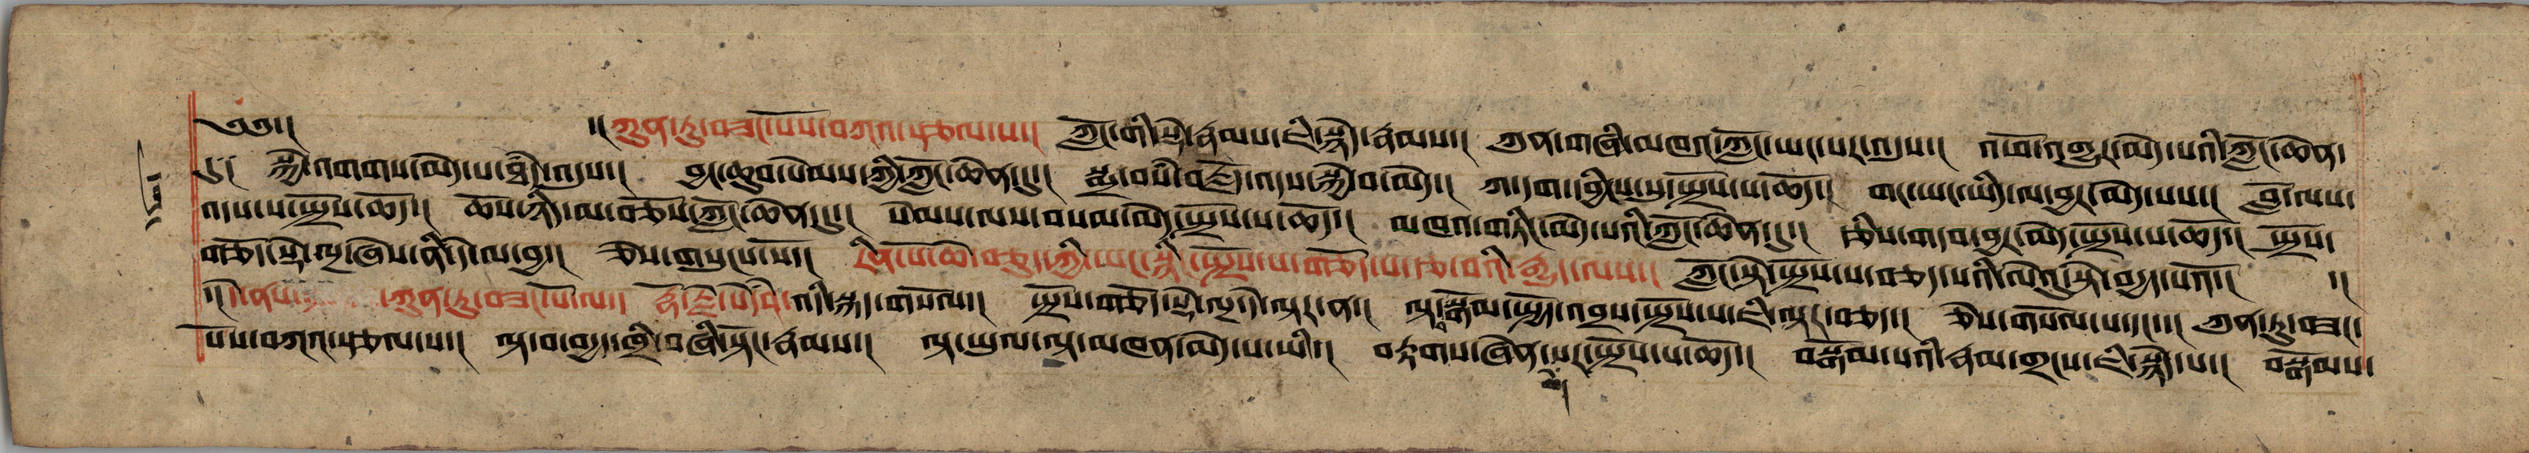༄༅་། ་།ཀུན་ཏུ་བཟང་པོས་བཀའ་སྩལ་པ་། ཀློང་གི་སྡེ་རྣམས་ཇི་སྙེད་རྣམས་། ཀུན་གཞི་མཁའ་ཀློང་ཡང་པར་འདུས་། འཕོ་འགྱུར་མེད་པའི་ཀློང་ཆེན་
དུ། སྐྱེ་འགགས་མེད་པ་ཐཾད་འདུས་། བྱང་ཆུབ་སེམས་ཀྱི་ཀློང་ཆེན་དུ་། སྨྲ་བསཾ་བརྗོད་འདས་སྐྱེ་བ་མེད་། ཀ་དག་དབྱིངས་སུ་སྤྲོས་པ་ཆོད་། གང་ཡང་ཡིད་ལ་བྱར་མེད་པས་། བློ་ལས་
འདས་པ་སྤྲོས་ཆོད་། ཆོས་ཉིད་མ་བཅོས་ཀློང་ཆེན་དུ་། སེམས་ལས་བསམ་མེད་སྤྲོས་པ་ཆོད་། མཁའ་གཏིང་མེད་པའི་ཀློང་ཆེན་དུ་། རྩིས་གདབ་བྱར་མེད་སྤྲོས་པ་ཆོད་། སྤྲོས་
གཅོད་སྡེ་ལྔ་ཞེས་ནི་དེ་ལ་བྱ་། ཅེས་གསུངས་སོ་། རིན་པོ་ཆེ་བཅུད་ཀྱི་ཡང་སྙིང་སྤྲོས་པ་གཅོད་པ་རྩ་བའི་རྒྱུད་ལས་། ཀློང་སྡེ་སྤྲོས་པ་བཅད་པའི་ལེའུ་སྟེ་བདྱད་པའོ་། ་།
་།དེ་ནས་ ཀུནཏུ་བཟང་པོ་ལ་། རྡོ་རྗེ་སེཾདའ་འདི་སྐད་གསོལ་། སྤྲོས་གཅོད་སྡེ་ལྔ་དེ་ལྟར་ན་། ལྟ་སྒོམ་སྤྱོད་འབྲས་སྤྲོས་པ་ཇི་ལྟར་བཅད་། ཅེས་གསོལ་པ་དང་་། ཀུན་ཏུ་བཟང་
པོ་བཀའ་སྩལ་པ་། ལྟ་བ་བདྱད་ཁྲི་བཞི་སྟོང་རྣམས་། ལྟ་ཡུལ་ལྟ་མཁན་མེད་པ་ཡི་། བརྟགས་ཞེན་སར་སྤྲོས་པ་ཆོད་། བསྒོམ་པའི་རྣམ་གྲངས་ཇི་སྙེད་པ་། བསྒོམས་